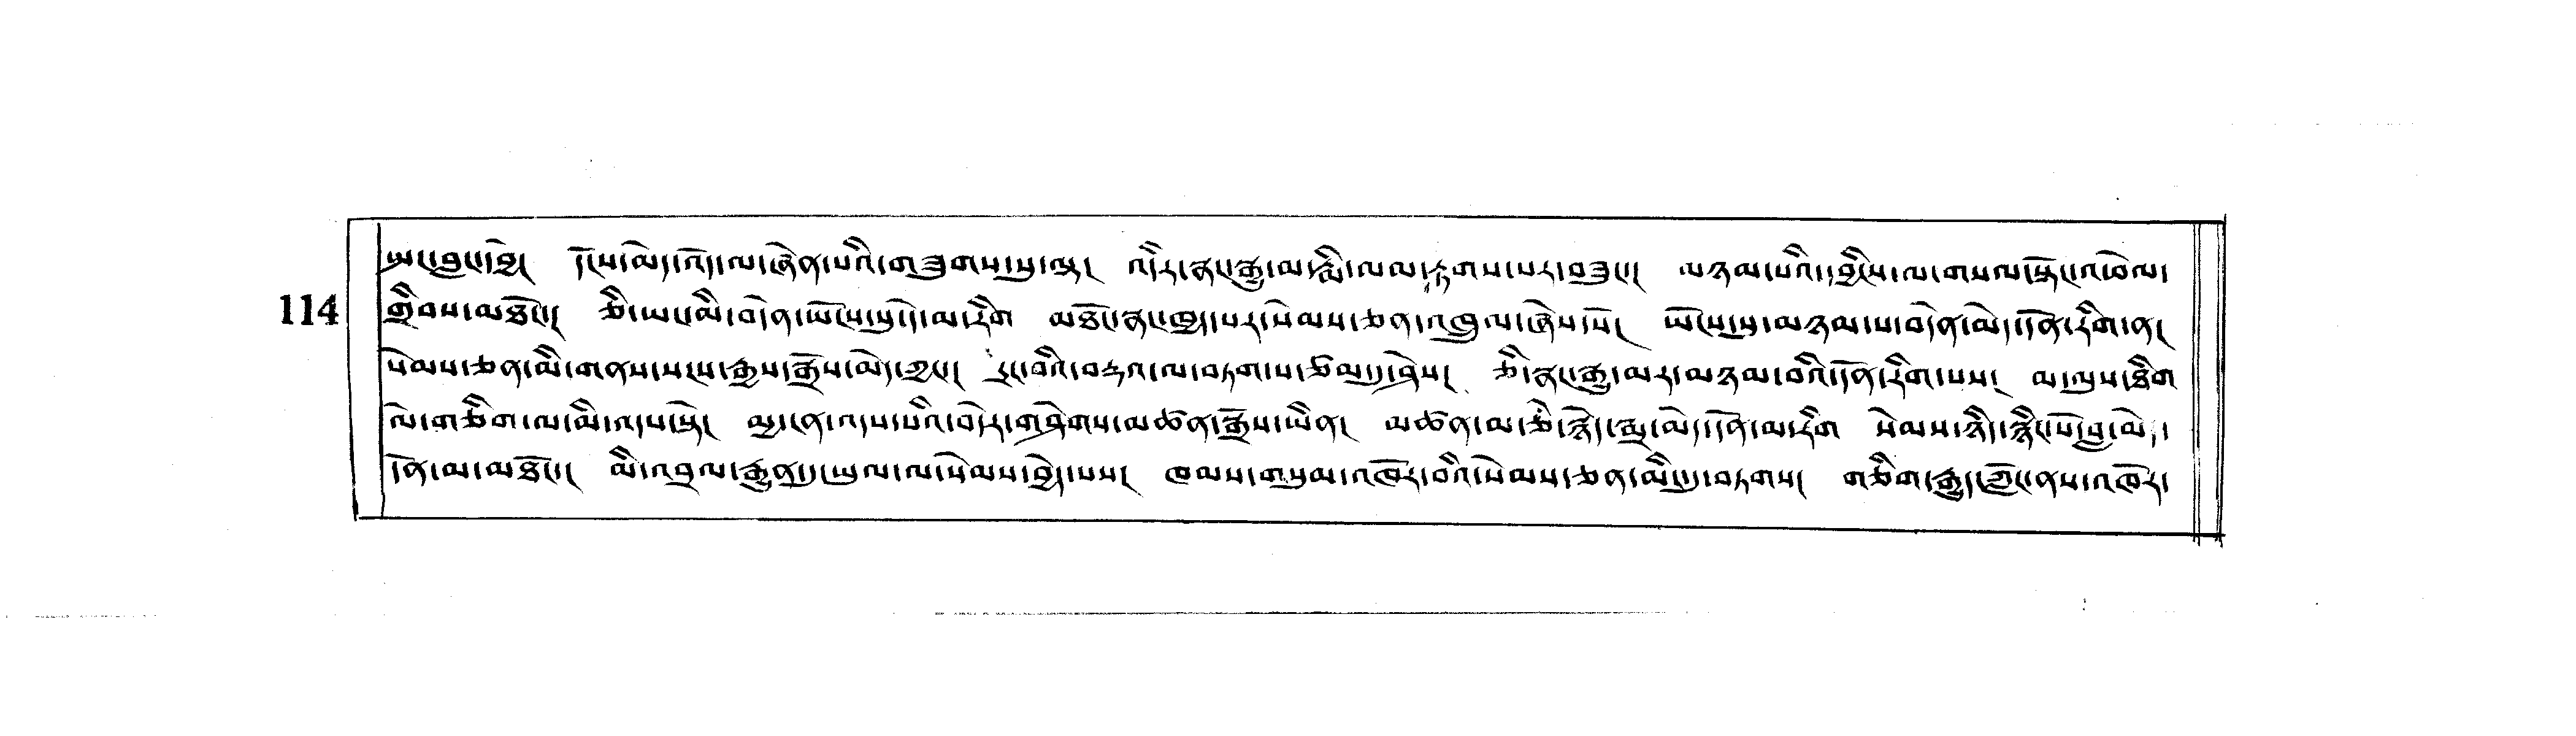སྤང་བླང་བྱེ། དངོས་མེད་འོད་ལ་ཞེན་པའི་གཟུགས་སུ་ལྟ། འདིར་སྣང་སྒྱུ་མ་རྨི་ལམ་རྟག་པར་བཟུང་། མཉམ་པའི་དབྱིངས་ལ་གསལ་སྟོང་འཕེལ་
འགྲིབ་མཐོང་། ཅི་ཡང་མི་བདེན་ཡོངས་སུ་དེ་མ་རིག མཐོང་སྣང་ཁྱད་པར་སེམས་ཅན་འཁྲུལ་ཞེས་སོ། ཡོངས་སུ་མཉམ་པ་བདེན་མེད་དོན་རིག་ན། 
སེམས་ཅན་མིི་གནས་སངས་རྒྱས་བགྲོས་མེད་ཀྱང་། དྲང་བའི་བརྡ་ལ་བཏགས་པ་ཙམ་དུ་ཤེས། ཅི་སྣང་སྒྱུ་མར་མཉམ་པའི་དོན་རིག་པས། མ་ལུས་ཐིག་
ལེ་གཅིག་ལས་མི་འདས་ཏེ། མྱ་ངན་འདས་པའི་བདེར་གཤེགས་མཚན་སྒྲོས་ཡིན། མཚན་མ་ཅི་སྙེད་སྨྲ་མེད་དོན་མ་རིག སེམས་ཉིད་སྙིང་པོ་བླ་མེད་
དོན་དམ་མཐོང་། མི་འབྲལ་རྒྱུན་དུ་ཡུལ་ལ་སེམས་བྱེད་པས། ཁམས་གསུམ་འཁོར་བའི་སེམས་ཅན་མིང་དུ་བཏགས། གཅིག་བརྒྱུད་ཀློང་ནས་འཁོར་